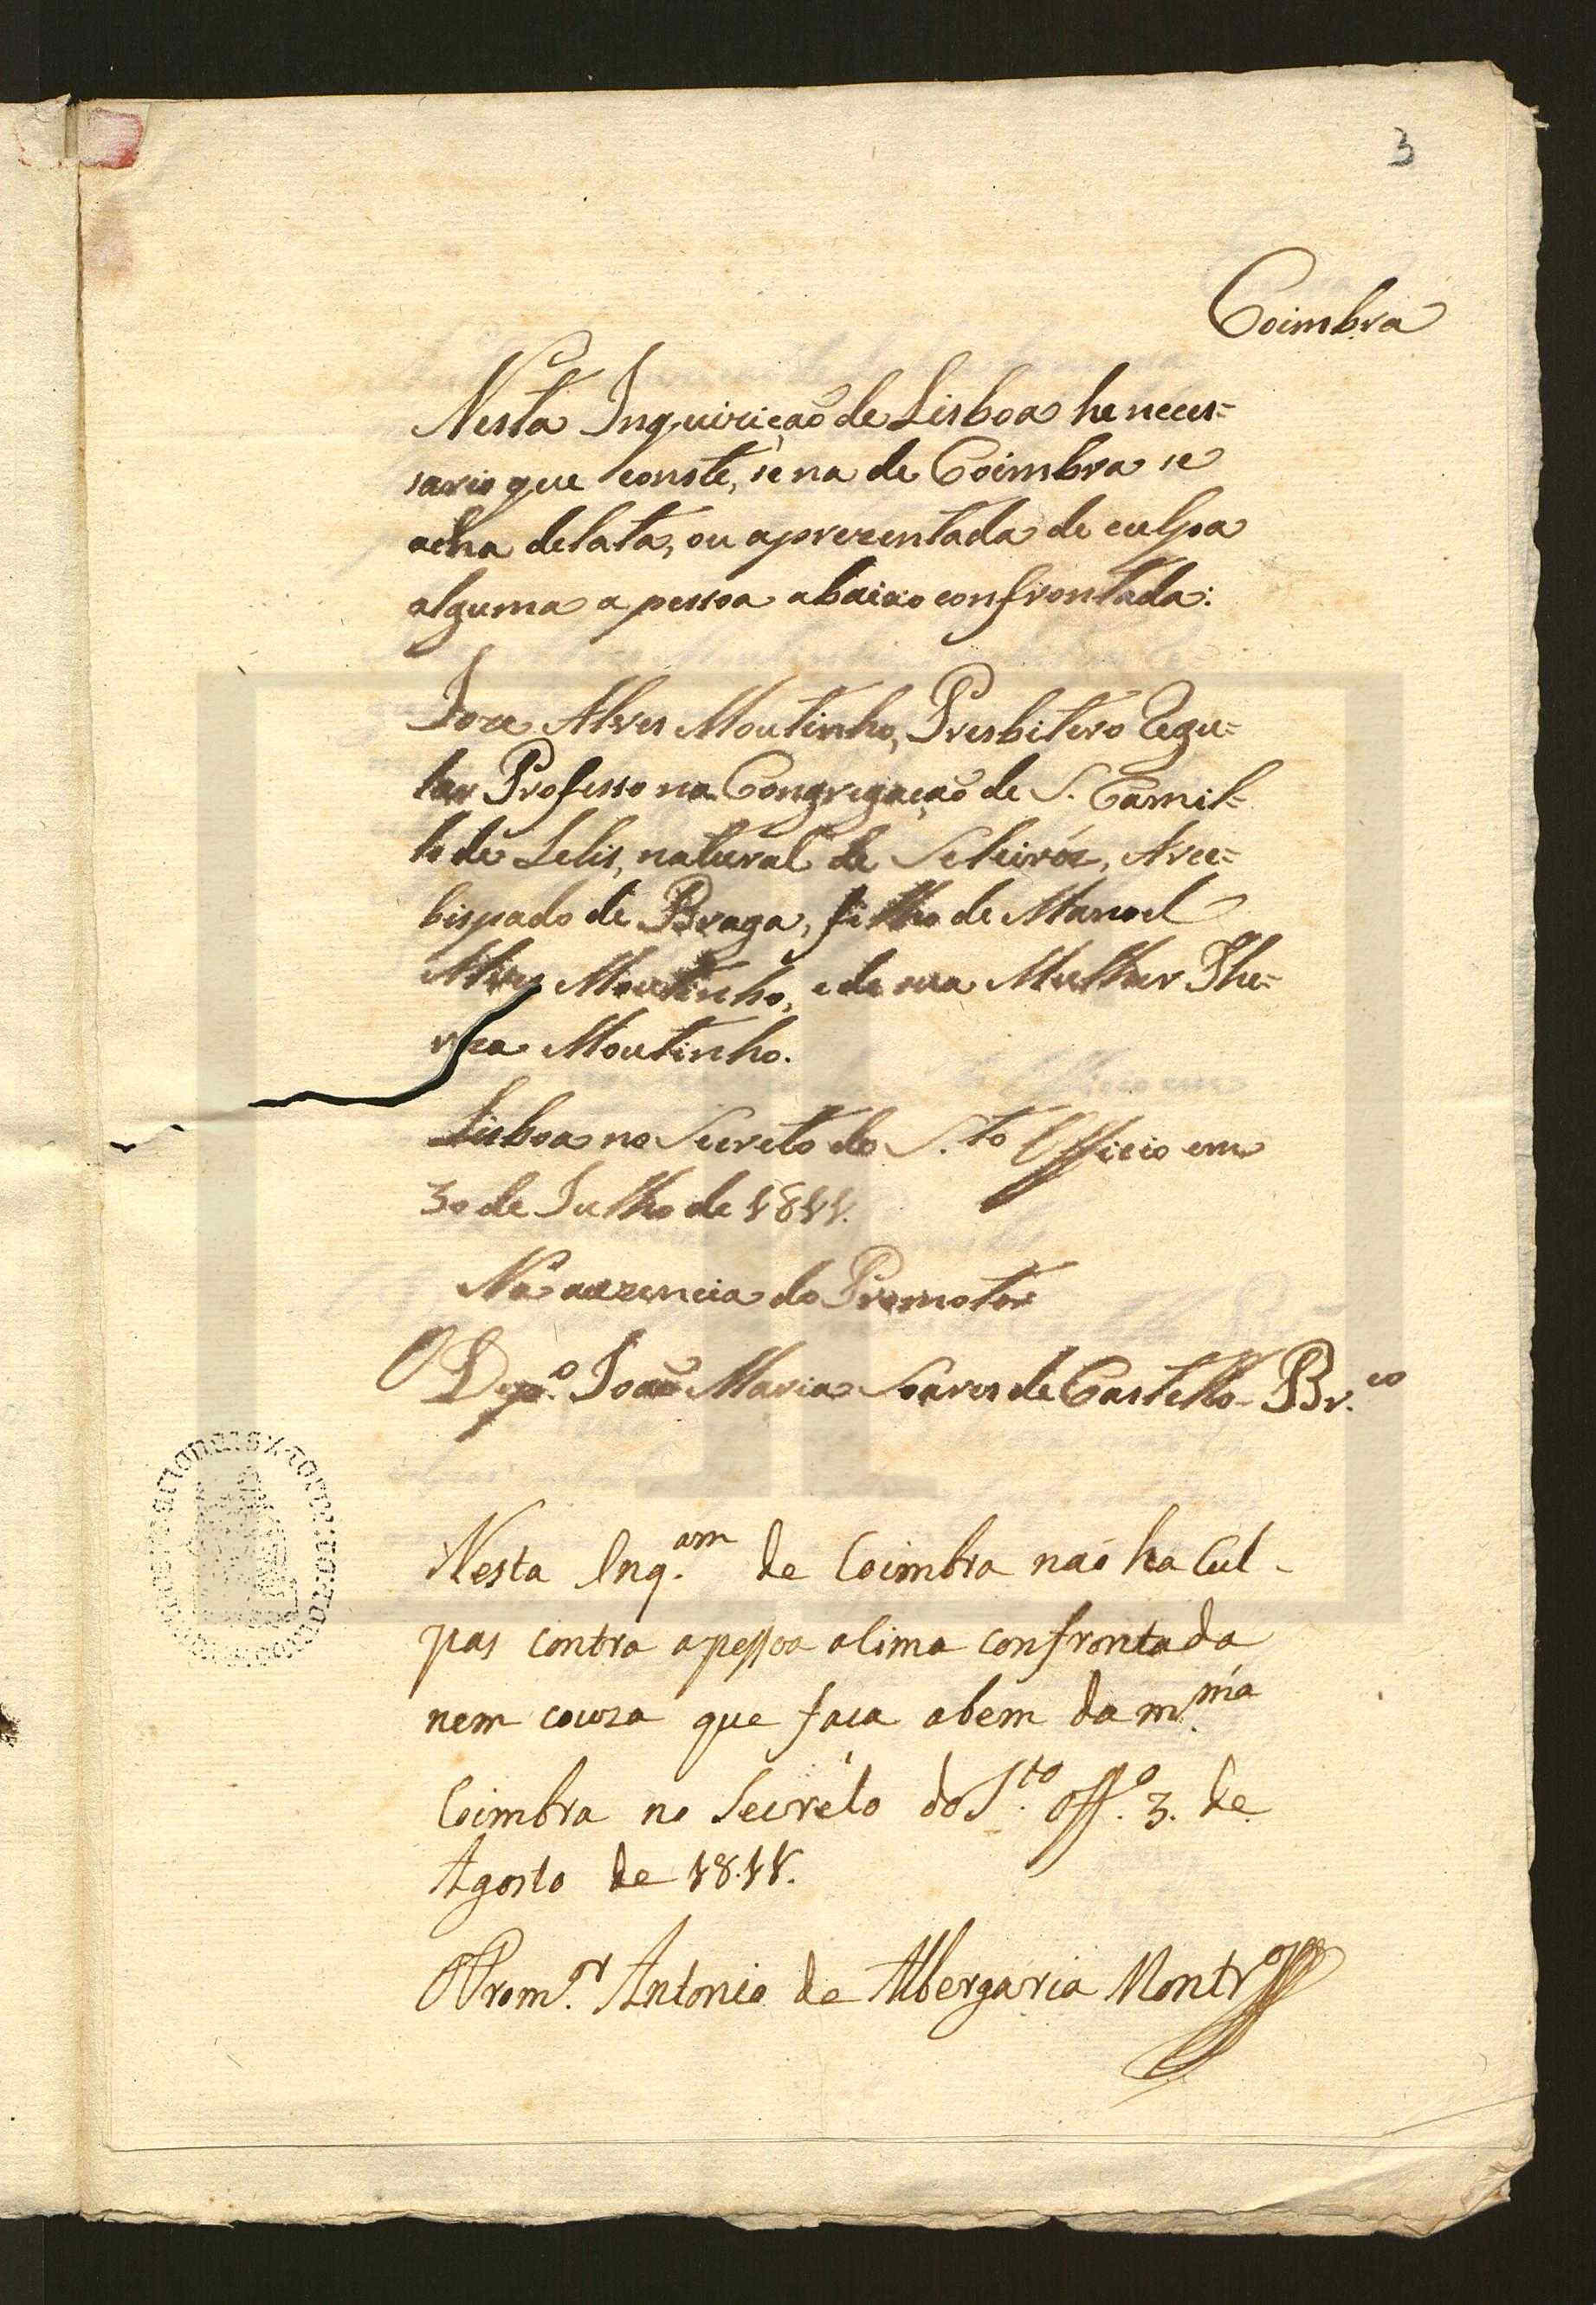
Coimbra
Nesta Inquiziçaõ de Lisboa he neces
sario que conste, se na de Coimbra se
acha delata, ou aprezentada de culpa
alguma a pessoa abaixo confrontada:
Ioze Alves Moutinho, Presbitero Regu
lar Professo na Congregaçaõ de S. Camil
lo de Lelis, natural de Seleiróz, Arce
bispado de Braga, filho de Manoel
Alves Moutinho, e de sua Mulher The
r_za Moutinho.
Lisboa no Secreto do S.to Officio em
30 de Iulho de 1811.
Naõ auzencia do Promotor
O Dep.o Ioaõ Maria Soares de Castello-Br.co
Nesta Inq.am de Coimbra naõ há Cul
pas contra a pessoa acima confrontada
nem couza que faça a bem da m.ma
Coimbra no Secreto do S.to off.o 3. de
Agosto de 1811.
O Prom.or Antonio de Albergaria Montr.o
